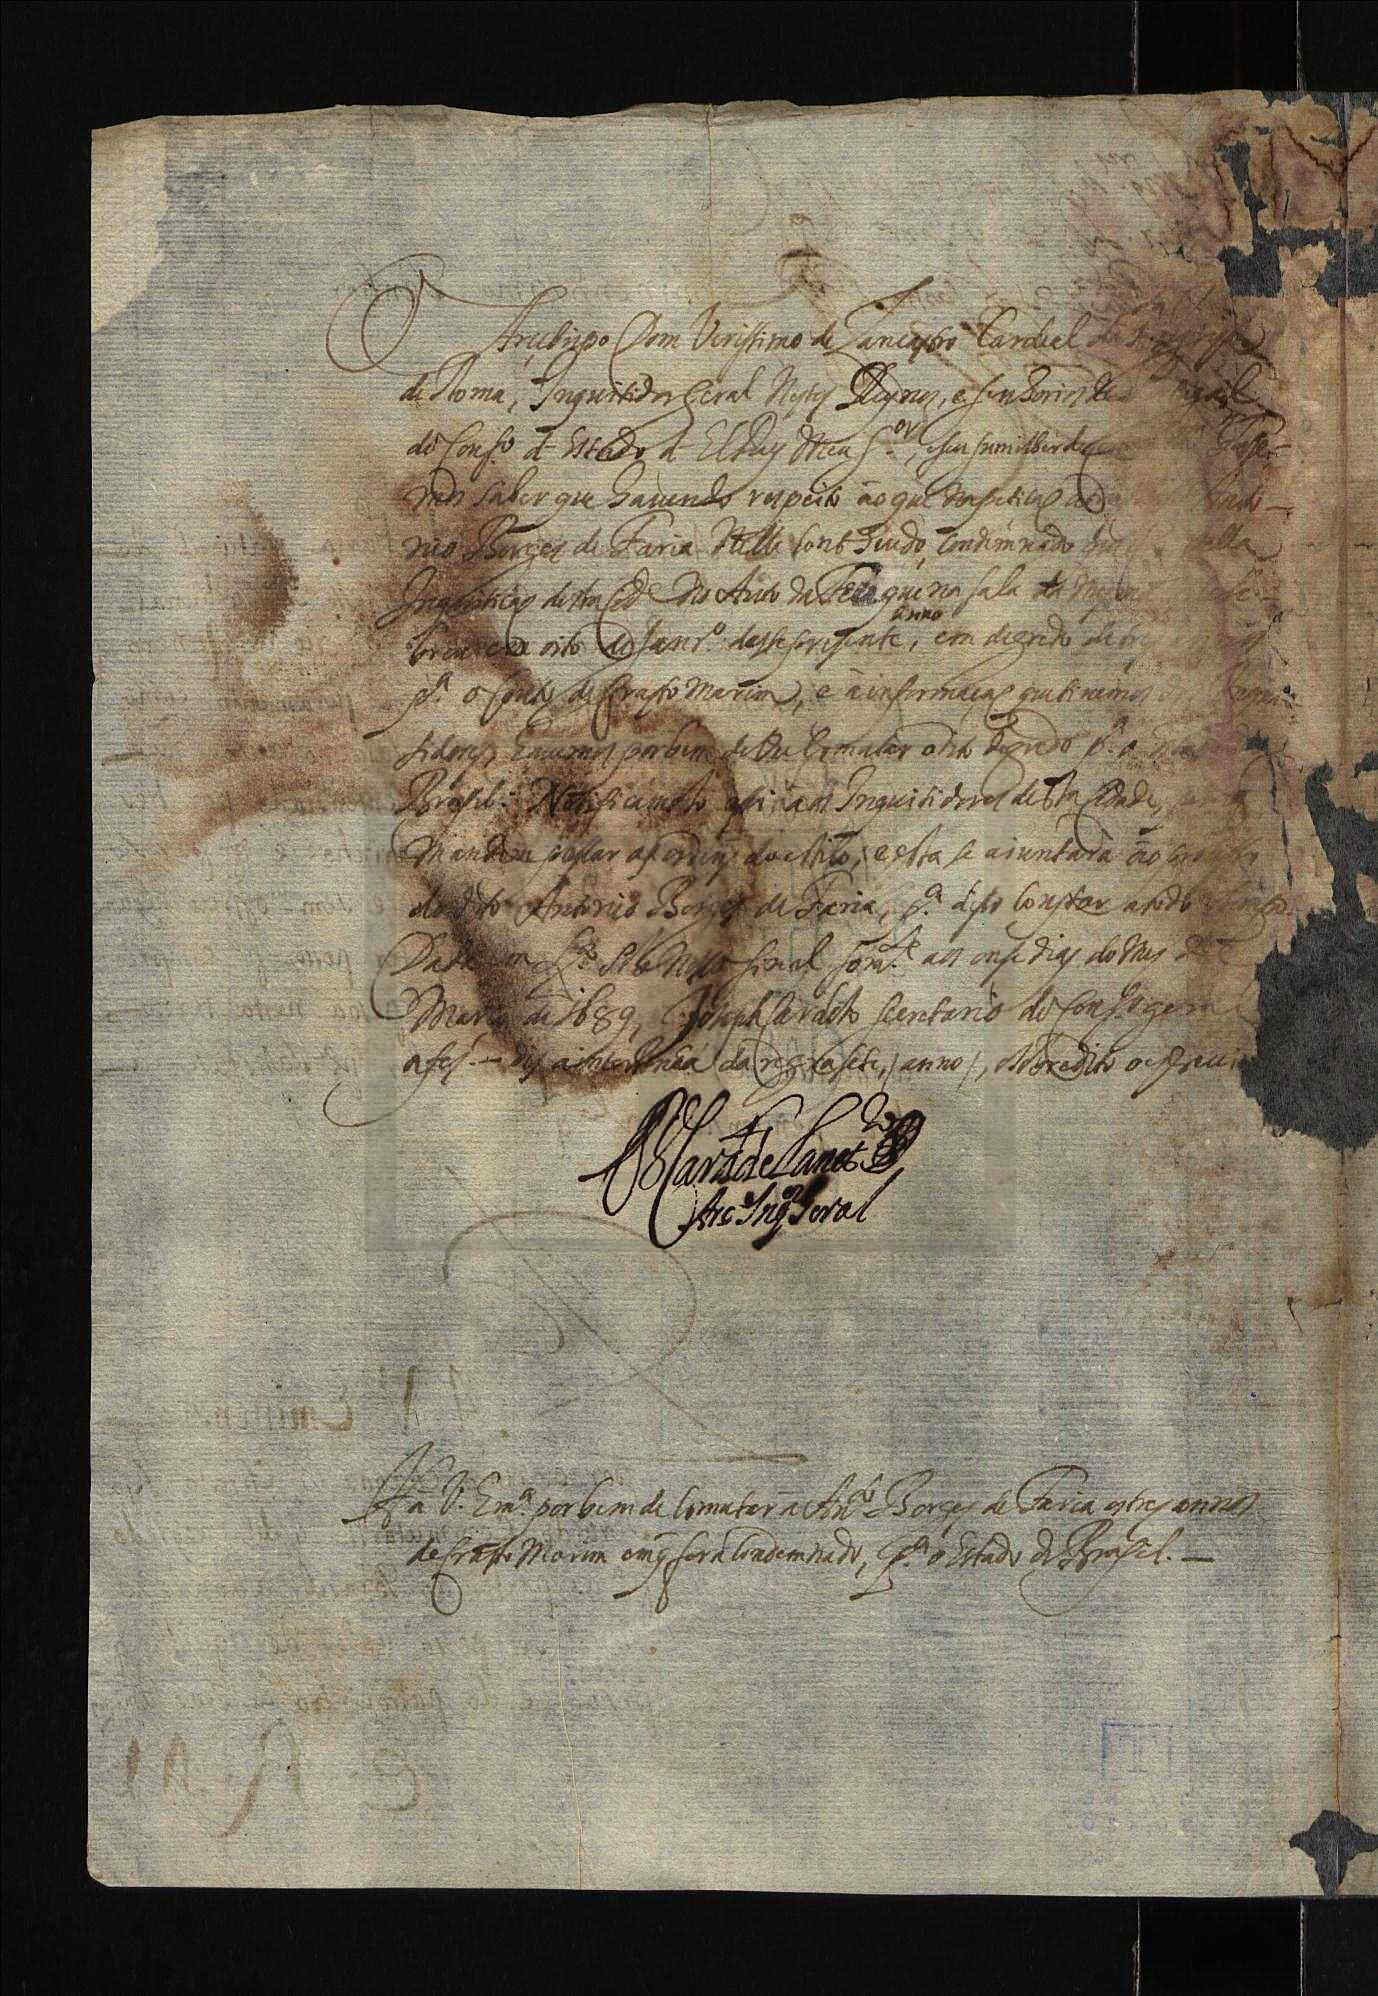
O Arcebispo Dom Verissimo de Lancastro Cardeal da s.ta Igreja
de Roma, Inquisidor Geral nestes Reynos, e senhorios de Portugal
do Cons.o de Estado de El Rey meu s.or, e seu sumilher da Co_ _ Faze
mos saber que hauendo respeito ao que na petiçaꝭ _ _ Anto
nio Borges de Faria Nella contheudo, condemnado que f_ pella
Inquisiçaꝭ desta Cide do Auto da Fee_ que na sala da _ cele
brou em oito de Janr.o deste presente
anno
em degredo de tres annos
p.a o Couto de Crastro marim, e a informaçaꝭ que tiuemos dos Inqui
sidores, hauemos por bem de lhe comutar o dito degredo p.a o _
Brasil: Notificamolo assima os Inquisidores desta Cidade, porq̄
mandem passar as ordens do estilo, e esta se aiuntarà ao processo
do dito Antonio Borges de Faria, p.a disso constar a todo tempo
Dada em Lx.a sob nosso sinal som.te aos onse dias do mes de
março de 1689, Joseph Cardoso secretario do Cons.o geral
a fes. - dis a interlinha da regra / etc, / anno /, o sobredito o escreui
O Card̄L de Lanctro
Arco Inq.or Geral
Ha V. Em.a por bem de comutar a Anto Borges de Faria os tres annos
de Crasto marim em q̄ fora condemnado, p.a o Estado de Brasil.
